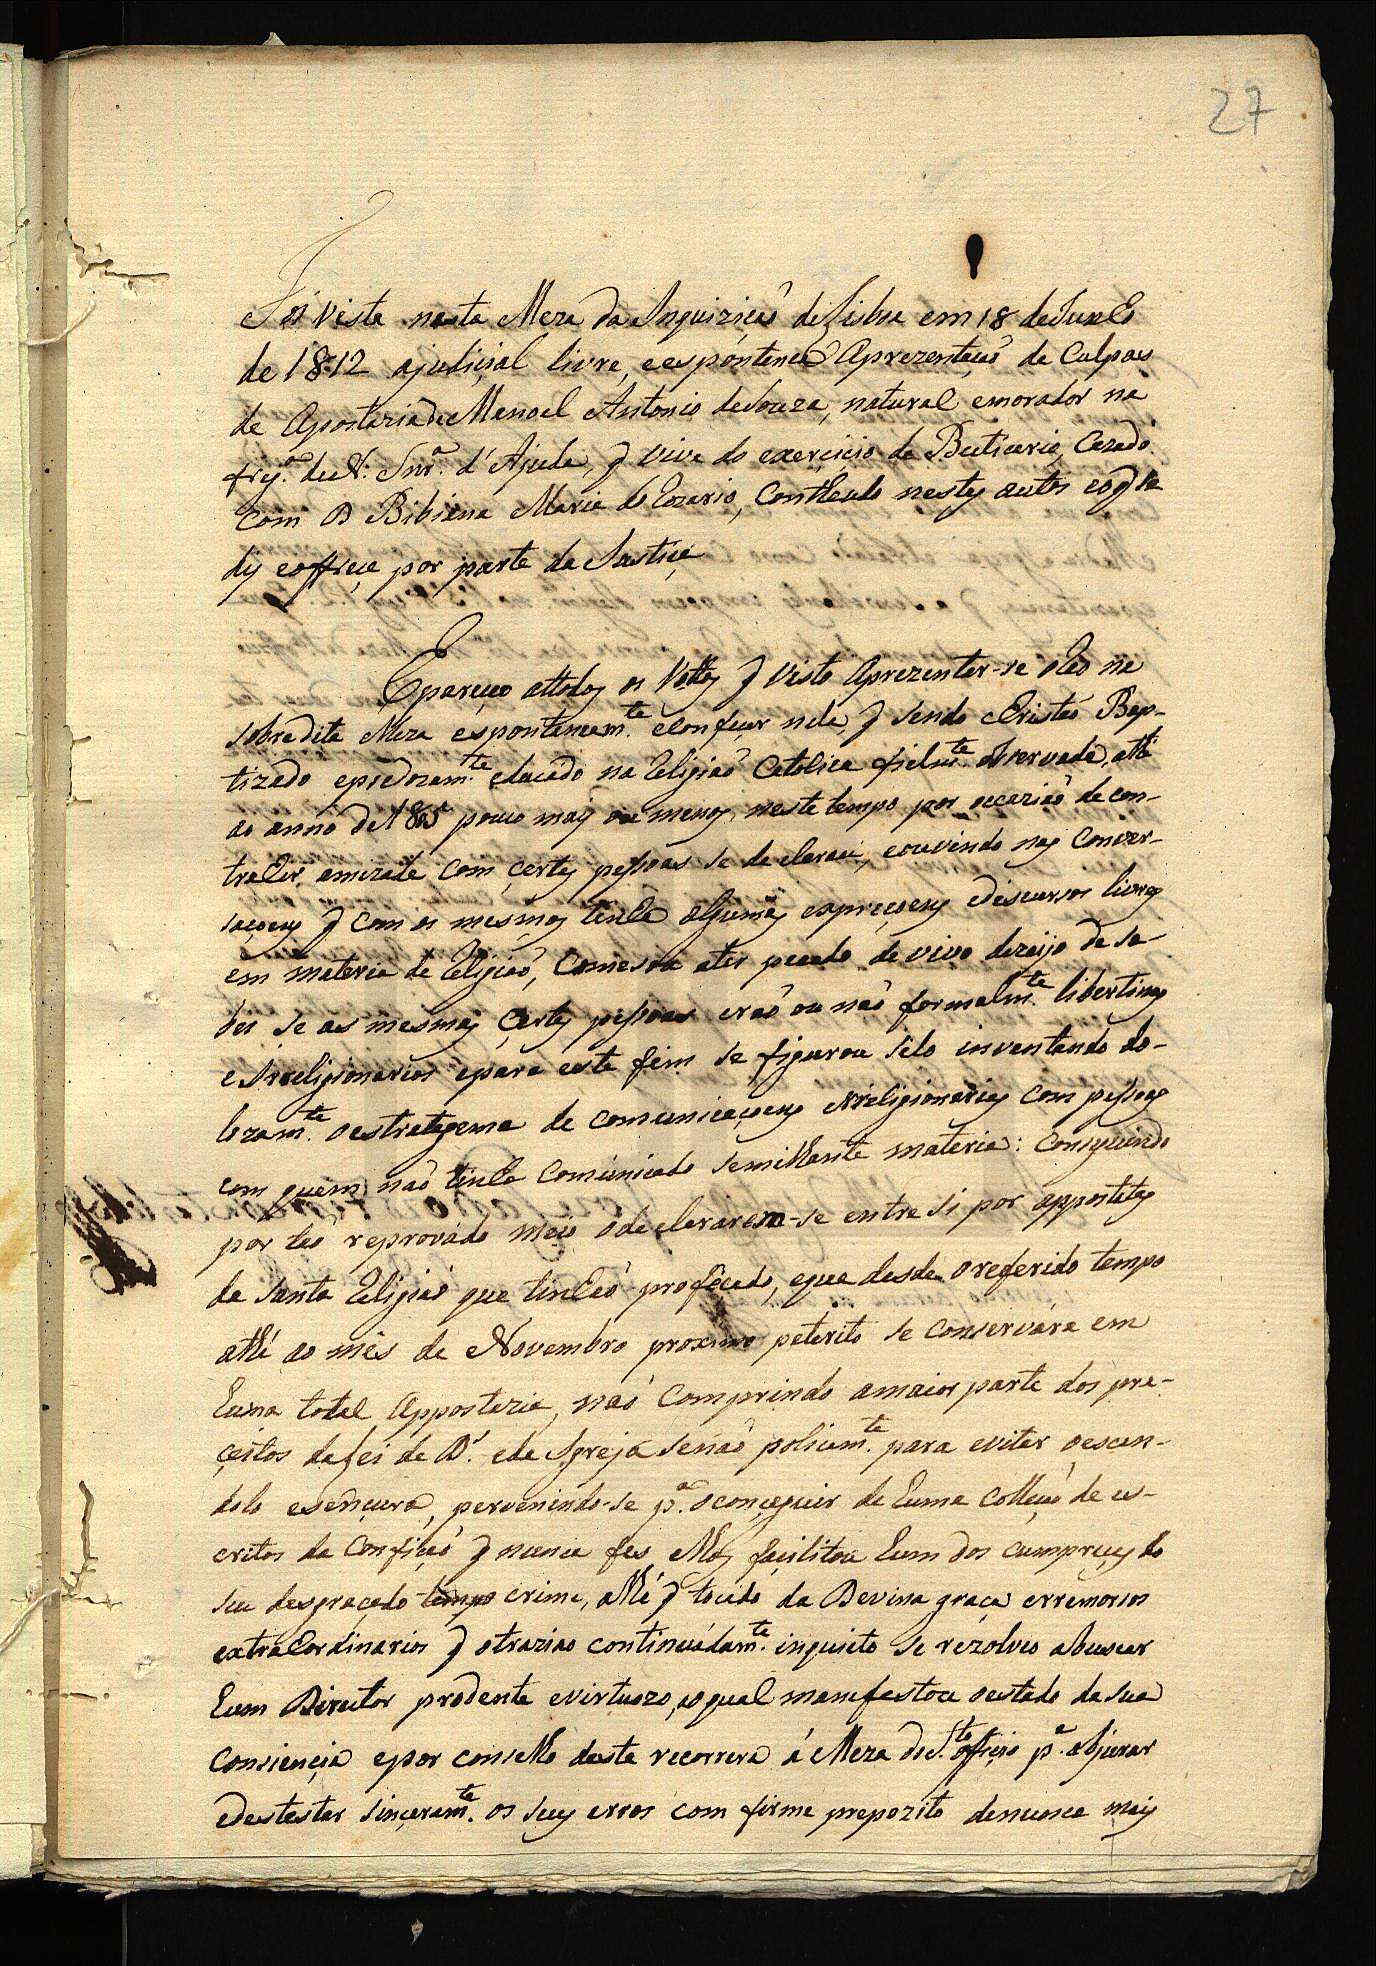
Foi vista nesta Meza da Inquiziçaõ de Lisboa em 18 de Iunho
de 1812 a judiçial livre, e espontenea aprezentaçaõ de culpas
de Apostazia de Manoel Antonio de Souza, natural e morador na
freg.a de N. Snr.a d'Ajuda, q̄ vive do exercicio de Buticario, Cazado
com D Bibiena Maria do Rozario, Contheudo nestes autos e o q̄ se
dis e offrece por parte da Iustiça
E pareceo a ttodos os Vottos q̄ visto Aprezentar-se o Reo na
sobredita Meza esponteneam.te e confeçar nele, q̄ sendo christaõ Bap
tizado e piedozam.te educado na Religiaõ Catolica fielm.te observada, athé
ao anno de 1805 pouco mais ou menos, neste tempo por occaziaõ de con
trahir amizade com certas pessoas se declarou, e ouvindo nas conver
saçoens q̄ com os mesmos tinha algumas expreçoens e discursos livres
em materia de Religiaõ, comesou a ter pecado de vivo dezaijo de sa
ber se as mesmas certas pessoas eraõ ou naõ formalm.te libertinas
e Irreligionarios e para este fim se figurou selo inventando do
lozam.te o estratagema de comunicaçoens Irreligionarias com pessoas
com quem naõ tinha comunicado semilhante materia: conseguindo
por taõ reprovado meio o declararem-se entre si por appostatas
da santa Religiaõ que tinhaõ profeçado, e que desde o referido tempo
athé ao mês de Novembro proximo peterito se conservara em
huma total Appostazia, naõ comprindo a maior parte dos pre
ceitos da Lei de D.s e da Igreja senaõ policem.te para evitar o escan
dolo e sençura, pervenindo-se p.a o conceguir de huma colleçaõ de es
critos da confiçaõ q̄ nunca fes e lhos facilitou hum dos cumprices do
seu despreçado tempo crime, athé q̄ tocado da Devina graça e rremorsos
extrahordinarios q̄ o traziaõ continuadam.te inquieto se rezolveo a buscar
hum Director prodente e virtuozo, ao qual manifestou o estado da sua
consiencia e por conselho deste recorrera á Meza do S.to officio p.a abjurar
e destestar sinceram.te os seus erros com firme prepozito de nunca mais
